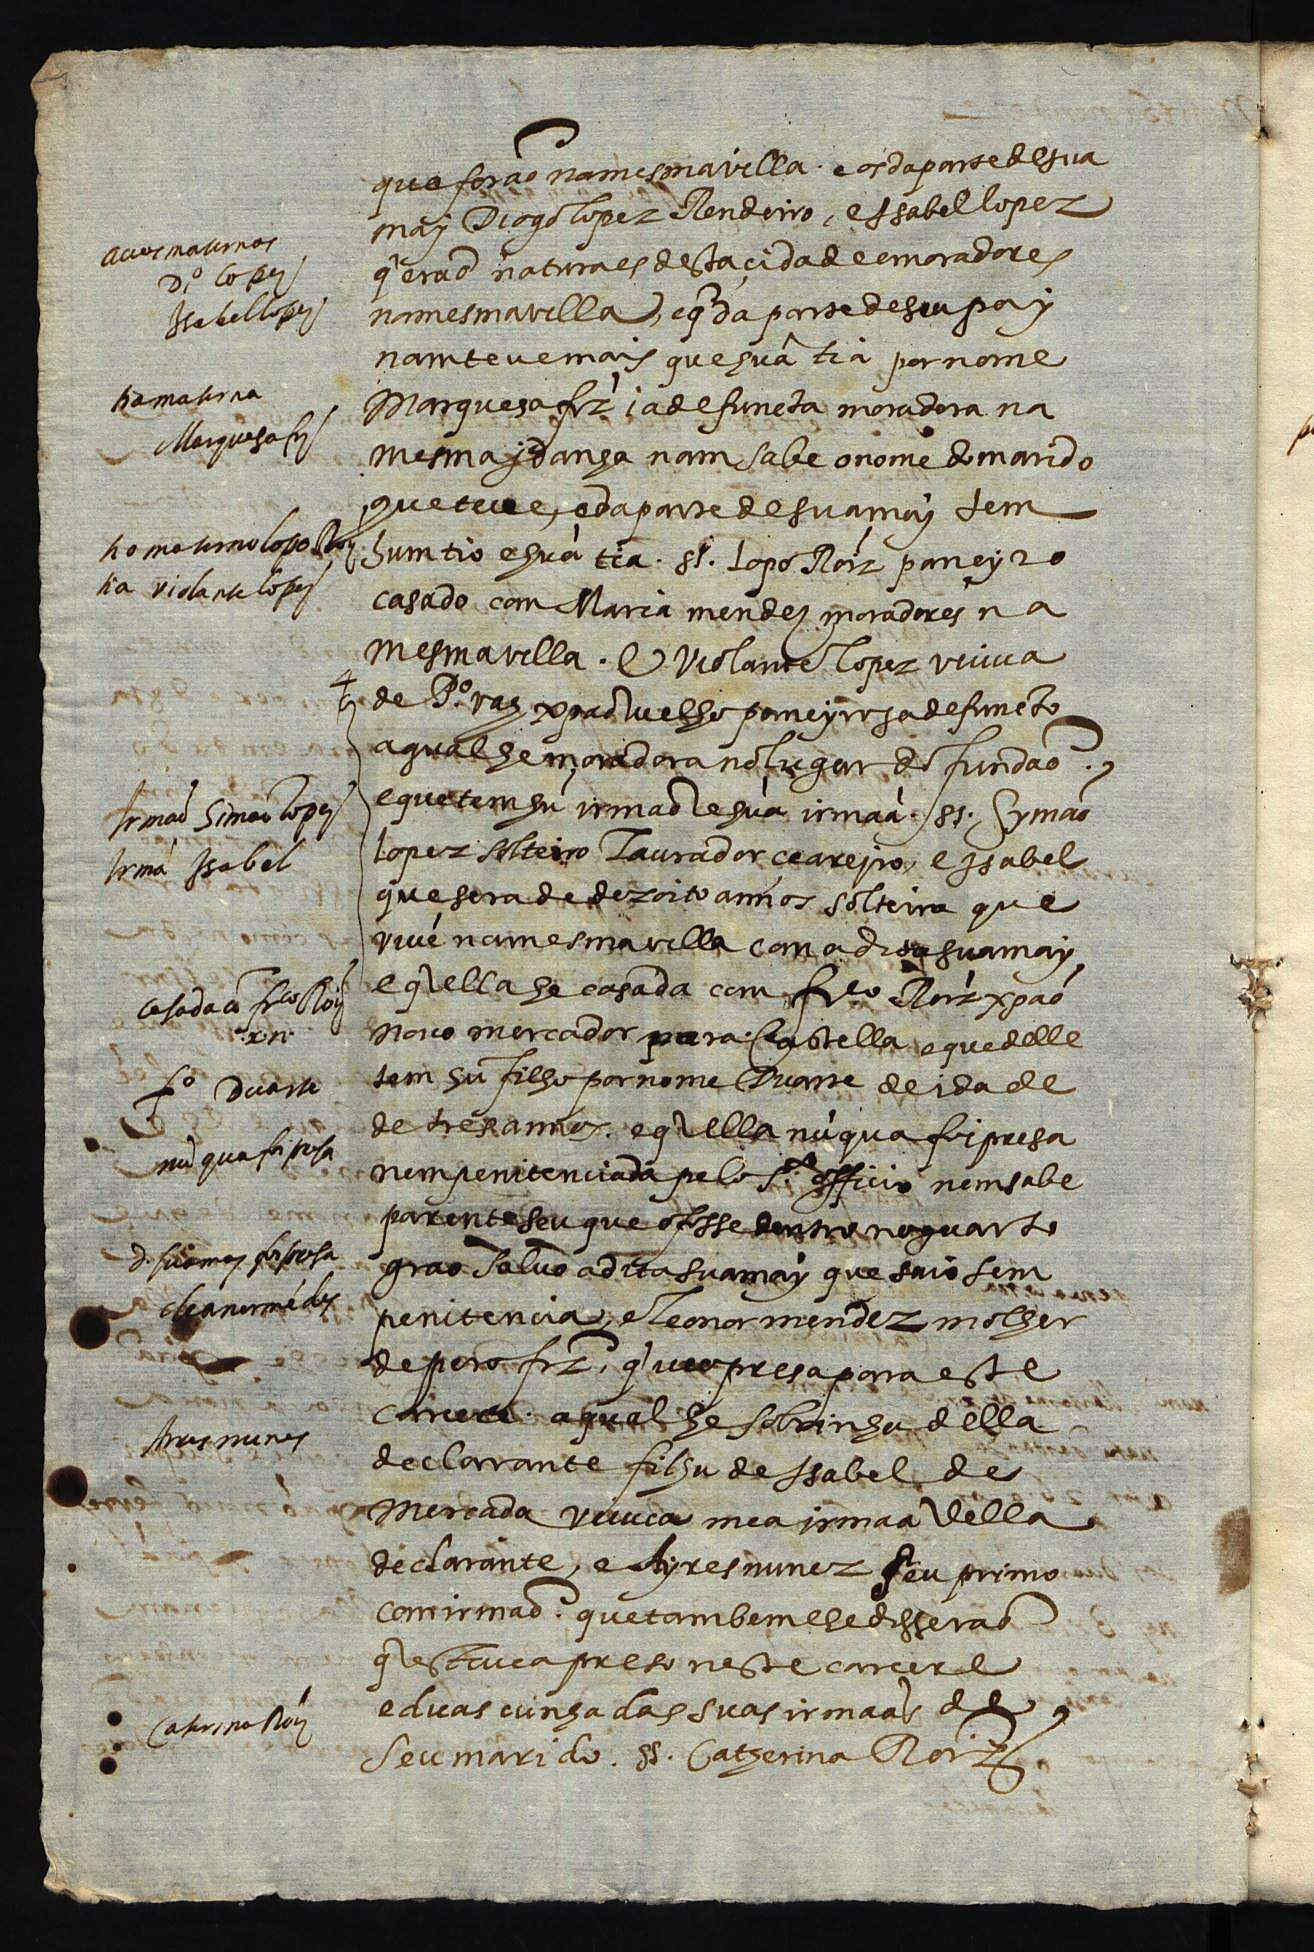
que foraõ na mesma villa e os da parte de sua
may Diogo lopez Rendeiro, e Jsabel lopez
q̄ eraõ naturaes desta çidade e moradores
na mesma villa, e q̄ da parte de seu pay
nam teue mais que huā tia por nome
Marquesa frz̄ ia defuncta moradora na
mesma jdanha nam sabe o nome do marido
que teue, e da parte de sua may tem
hum tio e huā tia. ss. Lopo Roīz paneyro
casado com Maria mendez moradores na
mesma villa. E Violante Lopez viuua
de P.o vaz xpaõ uelho paneyro ja defuncto
a qual he moradora no Lugar do Fundaõ.
e que tem hū irmaõ e huā irmaã. ss. Symaõ
Lopez solteiro Laurador çearejro, e jsabel
que sera de dezoito annos solteira que
viuē na mesma villa com a dita sua may
e q̄ ella he casada com Fr.co Roiz̄ xpaõ
nouo mercador para. Castella e que delle
tem hū filho por nome Duarte de idade
de tres annos. e q̄ ella nūqua foi presa
nem penitenciada pelo S.to officio nem sabe
parente seu que o fosse dentro no quarto
grao saluo a dita sua may que saio sem
penitencia, e Leonor mendez molher
de pero frz̄, q̄ ueo presa para este
carcere. a qual he sobrinha della
declarante filha de Jsabel de
mercada viuua mea irmaã della
declarante, e Ayres nunez seu primo
com irmaõ. que tambem lhe disseraõ
q̄ estaua preso neste carcere
e duas cunhadas suas irmaãs de
seu marido. ss. Catherina Roiz̄
